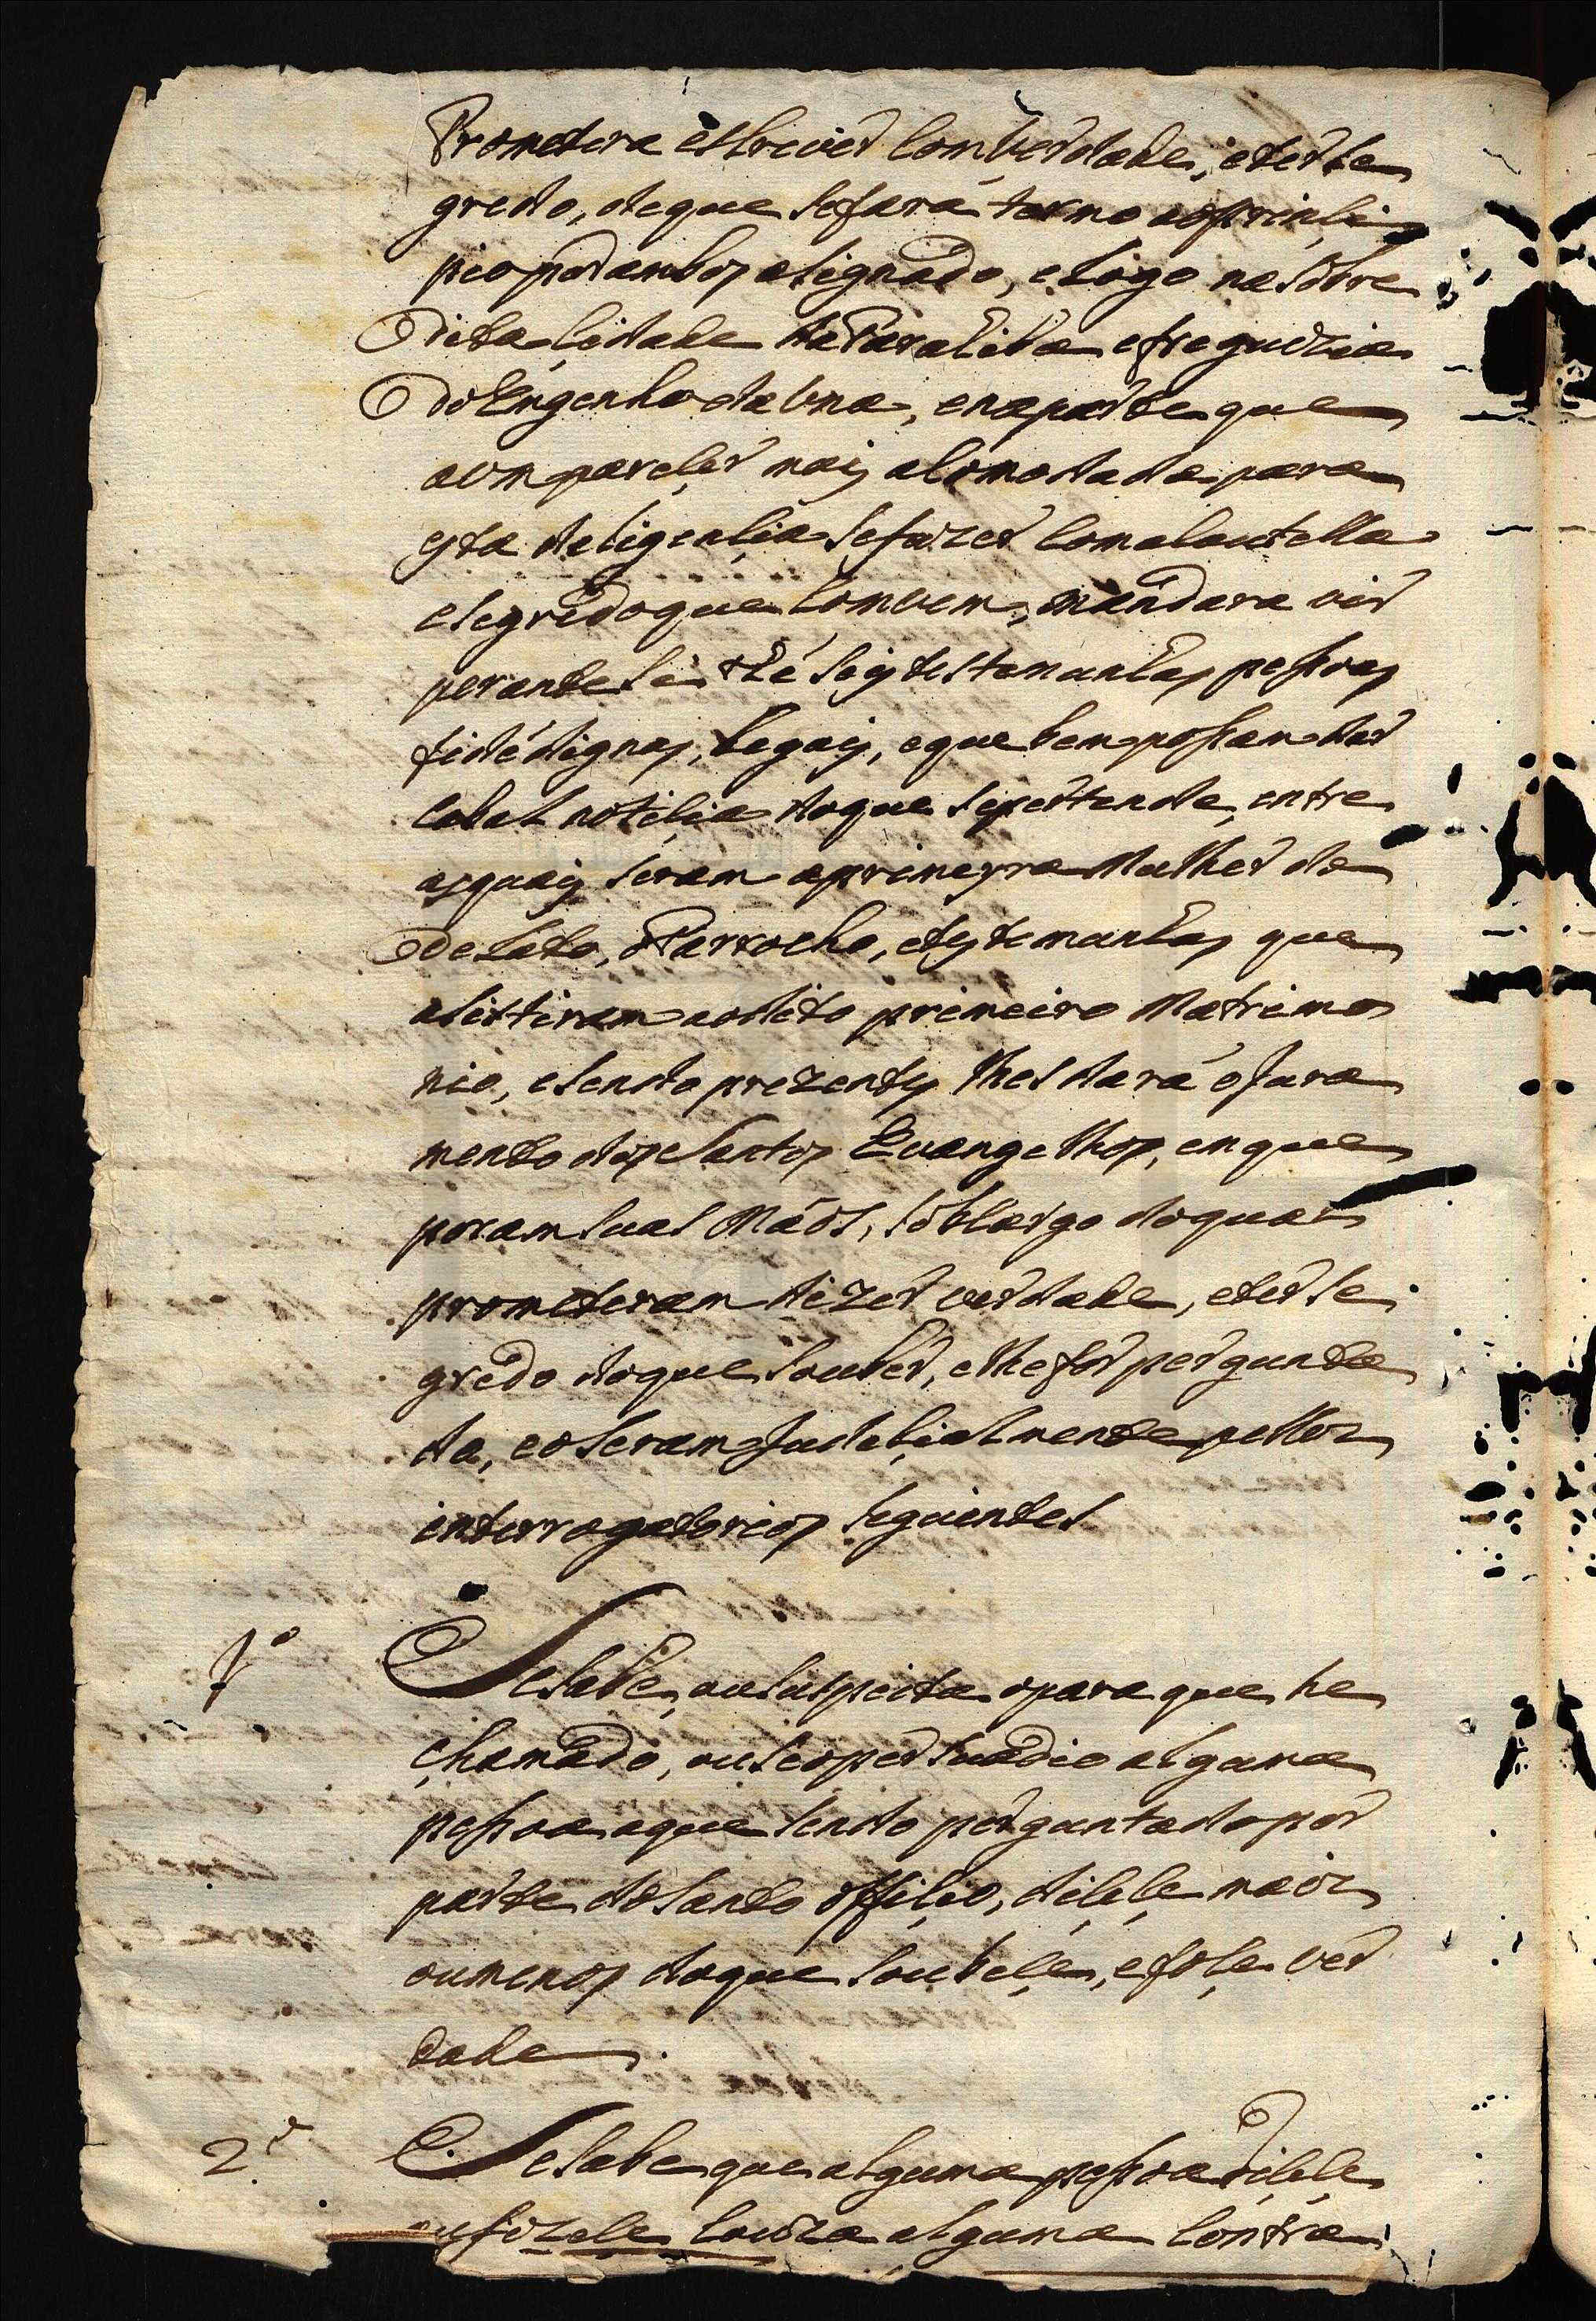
2.o
Prometera esCrever Com verdade, e ter se
gredo, de que se fará termo ao prinÇi
pio por ambos asignado, e Logo na sobre
dita Çidade da Parahiba e freguezia
do Engenho da vna, e na parte que
a vm pareÇer mais acomodada para
esta deligenÇia se fazer com a Cautella
e segredo que comvem, mandara vir
perante si thé seis testemunhas pessoas
fidédignas, Legais, e que bem possam dar
cabaL notiÇia do que se pertende, entre
os quais seram a primeyra mulher do
deLato, o Parrocho, e testemunhas que
asistiram ao dito primeiro Matimo
nio, e sendo prezentes lhes daraõ Jura
mento dos Santos Evangelhos, em que
poram suas mãos, sobcargo do qua_
prometeram dizer verdade, e ter se
gredo do que souber, e lhe for pergunta
do, e o Seram JudiÇialmente pelloz
interrogatorios seguintes
Se sabe, ou suspeita o para que he
çhamado, ou se o persuadio alguma
pessoa a que sendo perguntado por
parte do Santo offiÇio diÇeÇe maiz
ou menos do que soubeçe, e foÇe ver
dade.
Se sabe que alguma pesoa diÇeÇe
ou fizece Couza alguma Contra
